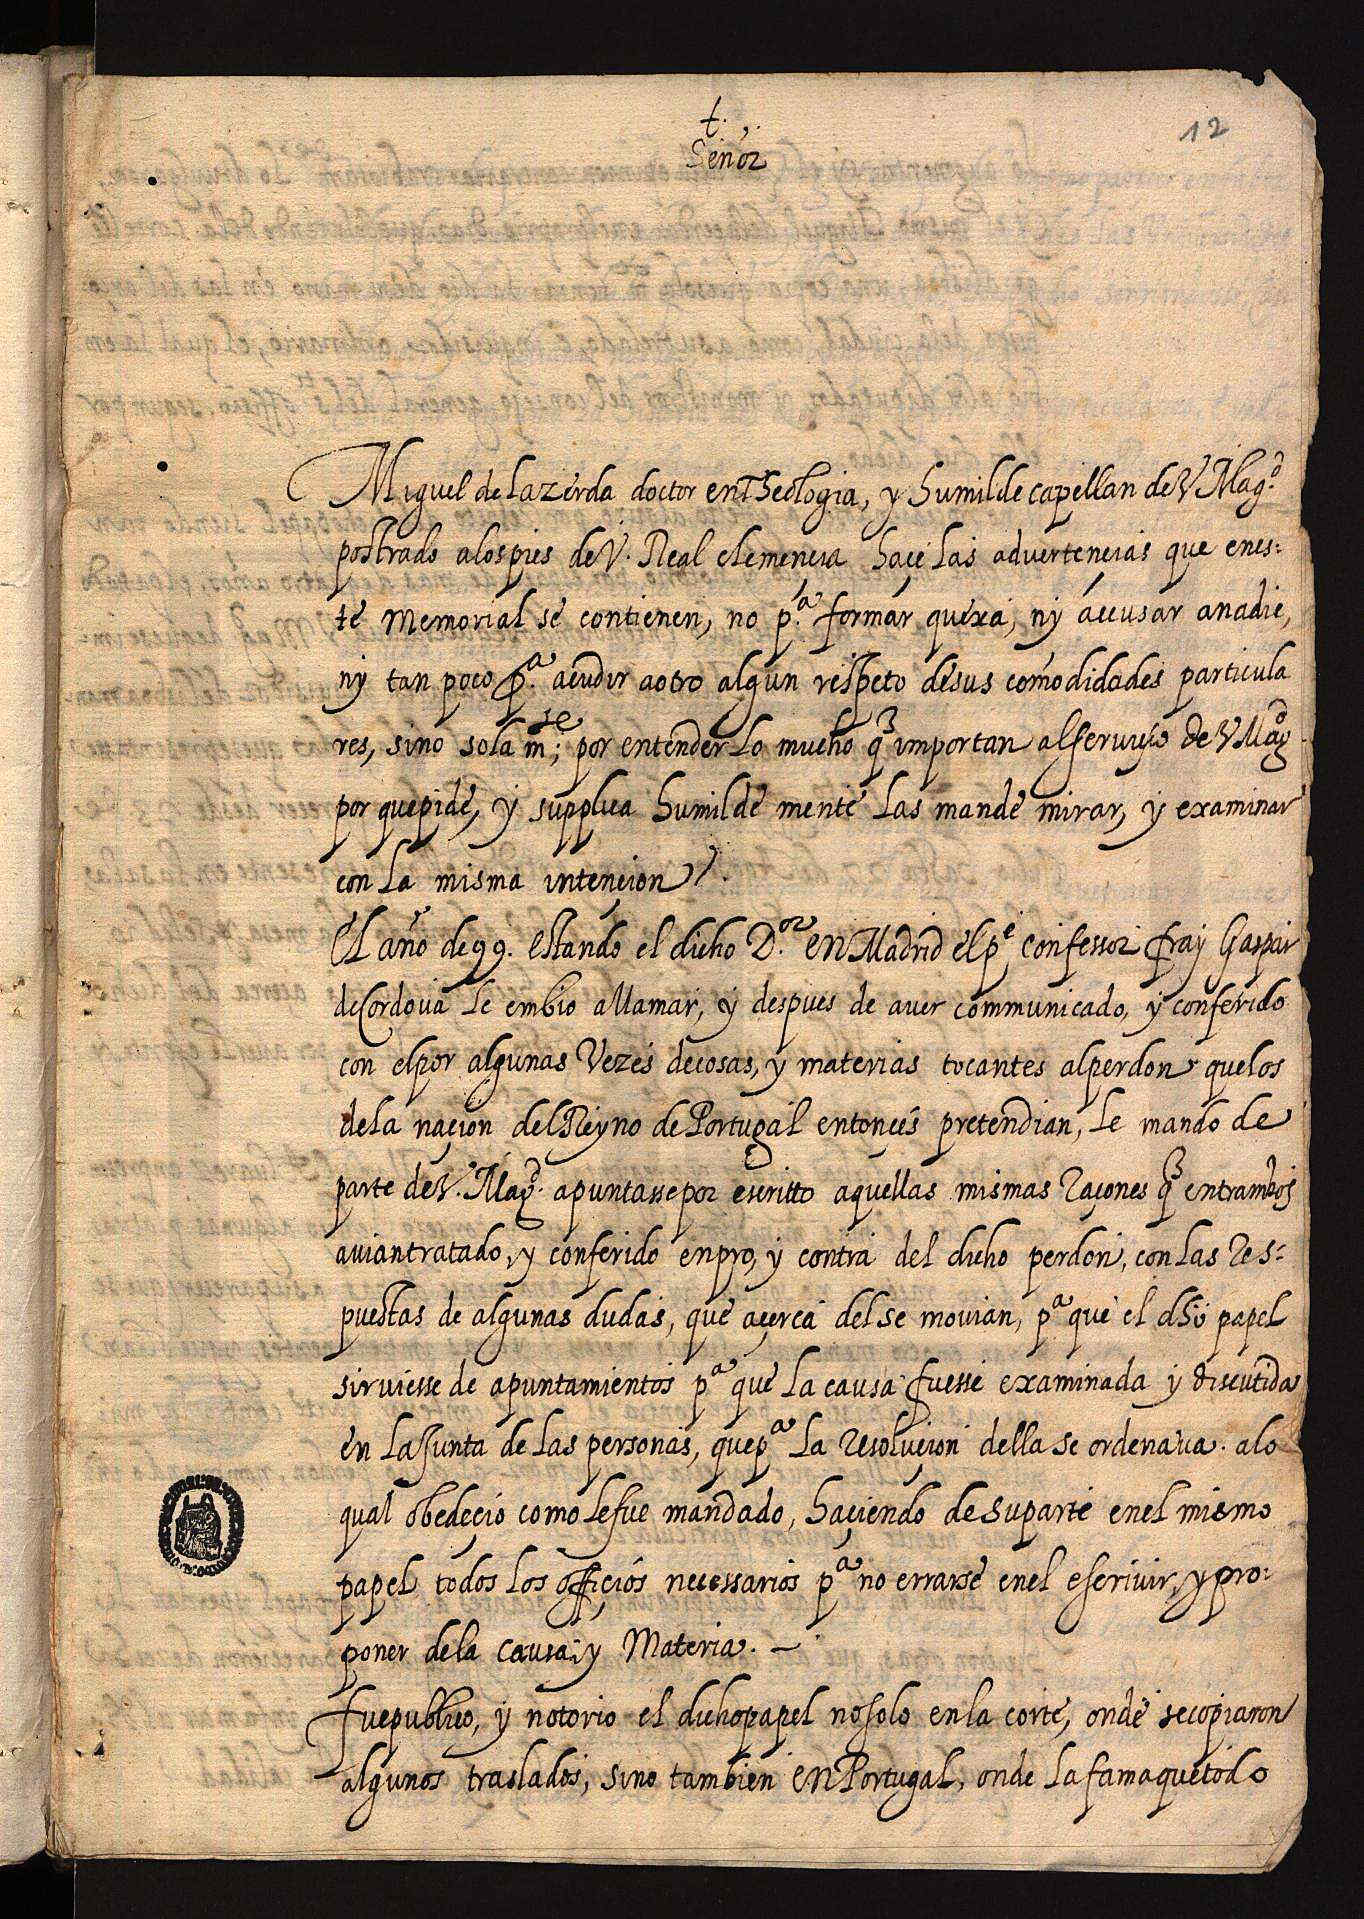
Senōr
Miguel de lazerda doctor en Theologia, y humilde capellan de V Mag.d
postrado a los pies de V. Real clemencia hace las aduertencias que en es
te memorial se contienen, no p.a formar quexa, ny accusar a nadie,
ny tan poco p̄.a acudir a otro algun respeto de sus com̄odidades particula
res, sino solam.te por entender lo mucho q̄ importan al seruicio de V Mag.d
por que pide, y supplica humildemente las mande mirar, y examinar
con la misma intencion.
El an̄o de 99. estando el dicho D.or en Madrid el pe confessor fray Gaspar
de Cordoua le embio a llamar, y despues de auer communicado, y conferido
con el por algunas Vezes de cosas, y materias tocantes al perdon que los
de la nacion del Reyno de Portugal entonces pretendian, le mando de
parte de V. Mag.d apuntasse por escritto aquellas mismas Raçones q̄ entrambos
auian tratado, y conferido en pro, y contra del dicho perdon, con las Res
puestas de algunas dudas, que acerca del se mouian, p.a que el dho papel
siruiesse de apuntamientos pa que la causa fuesse examinada y discutida
en la Junta de las personas, que pa la Resolucion della se ordenaua a lo
qual obedecio como le fue mandado, haciendo de su parte en el mismo
papel todos los officios necessarios pa no errarse en el escriuir, y pro
poner de la causa y Materia.
Fue publico, y notorio el dicho papel no solo en la corte, onde se copiaron
algunos traslados, sino tambien en Portugal, onde la fama que todo
